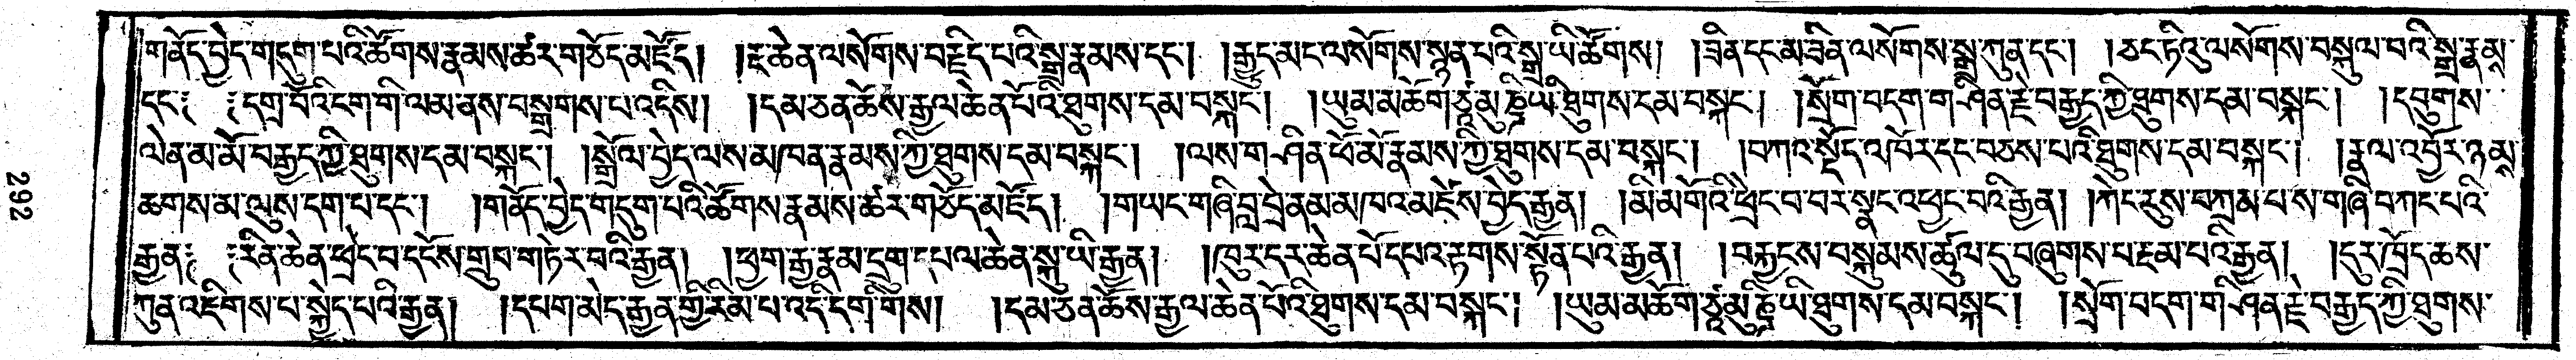གནོད་བྱེད་གདུག་པའི་ཚོགས་རྣམས་ཚར་གཅོད་མཛོད། །རྔ་ཆེན་ལ་སོགས་བརྗིད་པའི་སྒྲ་རྣམས་དང་། །རྒྱུད་མང་ལ་སོགས་སྙན་པའི་སྒྲ་ཡི་ཚོགས། །ཟིན་དང་མ་ཟིན་ལ་སོགས་སྒྲ་ཀུན་དང་། །ཅང་ཏིའུ་ལ་སོགས་བསྐུལ་བའི་སྒྲ་རྣམས་
དང༑ ༑དགྲ་བོའི་ངག་གི་ལམ་ནས་བསྒྲགས་པ་འདིས། །དམ་ཅན་ཆོས་རྒྱལ་ཆེན་པོའི་ཐུགས་དམ་བསྐང་། །ཡུམ་མཆོག་ཙཱ་མུཎྜི་ཡི་ཐུགས་དམ་བསྐང་། །སྲོག་བདག་གཤིན་རྗེ་བརྒྱད་ཀྱི་ཐུགས་དམ་བསྐང་། །དབུགས་
ལེན་མ་མོ་བརྒྱད་ཀྱི་ཐུགས་དམ་བསྐང་། །སྒྲོལ་བྱེད་ལས་མཁན་རྣམས་ཀྱི་ཐུགས་དམ་བསྐང་། །ལས་གཤིན་ཕོ་མོ་རྣམས་ཀྱི་ཐུགས་དམ་བསྐང་། །བཀའ་སྡོད་འཁོར་དང་བཅས་པའི་ཐུགས་དམ་བསྐང་། །རྣལ་འབྱོར་ཉམས་
ཆགས་མ་ལུས་དག་པ་དང་། །གནོད་བྱེད་གདུག་པའི་ཚོགས་རྣམས་ཚར་གཅོད་མཛོད། །གཡང་གཞི་བླ་བྲེ་ནམ་མཁའ་མཛེས་བྱེད་རྒྱན། །མི་མགོའི་ཕྲེང་བ་བར་སྣང་འཕྱང་བའི་རྒྱན། །ཀེང་རུས་བཀྲམ་པ་ས་གཞི་བཀང་པའི་
རྒྱན༑ ༑རིན་ཆེན་ཕྲེང་བ་དངོས་གྲུབ་གཏེར་བའི་རྒྱན། །ཕྱག་རྒྱ་རྣམ་དྲུག་དཔལ་ཆེན་སྐུ་ཡི་རྒྱན། །ཁུར་དར་ཆེན་པོ་དཔའ་རྟགས་སྟོན་པའི་རྒྱན། །བརྐྱངས་བསྐུམས་ཚུལ་དུ་བཞུགས་པ་རྔམ་པའི་རྒྱན། །དུར་ཁྲོད་ཆས་
ཀུན་འཇིགས་པ་སྐྱེད་པའི་རྒྱན། །དཔག་མེད་རྒྱན་གྱི་རིམ་པ་འདི་དག་གིས། །དམ་ཅན་ཆོས་རྒྱལ་ཆེན་པོའི་ཐུགས་དམ་བསྐང་། །ཡུམ་མཆོག་ཙཱ་མུཎྜི་ཡི་ཐུགས་དམ་བསྐང་། །སྲོག་བདག་གཤིན་རྗེ་བརྒྱད་ཀྱི་ཐུགས་